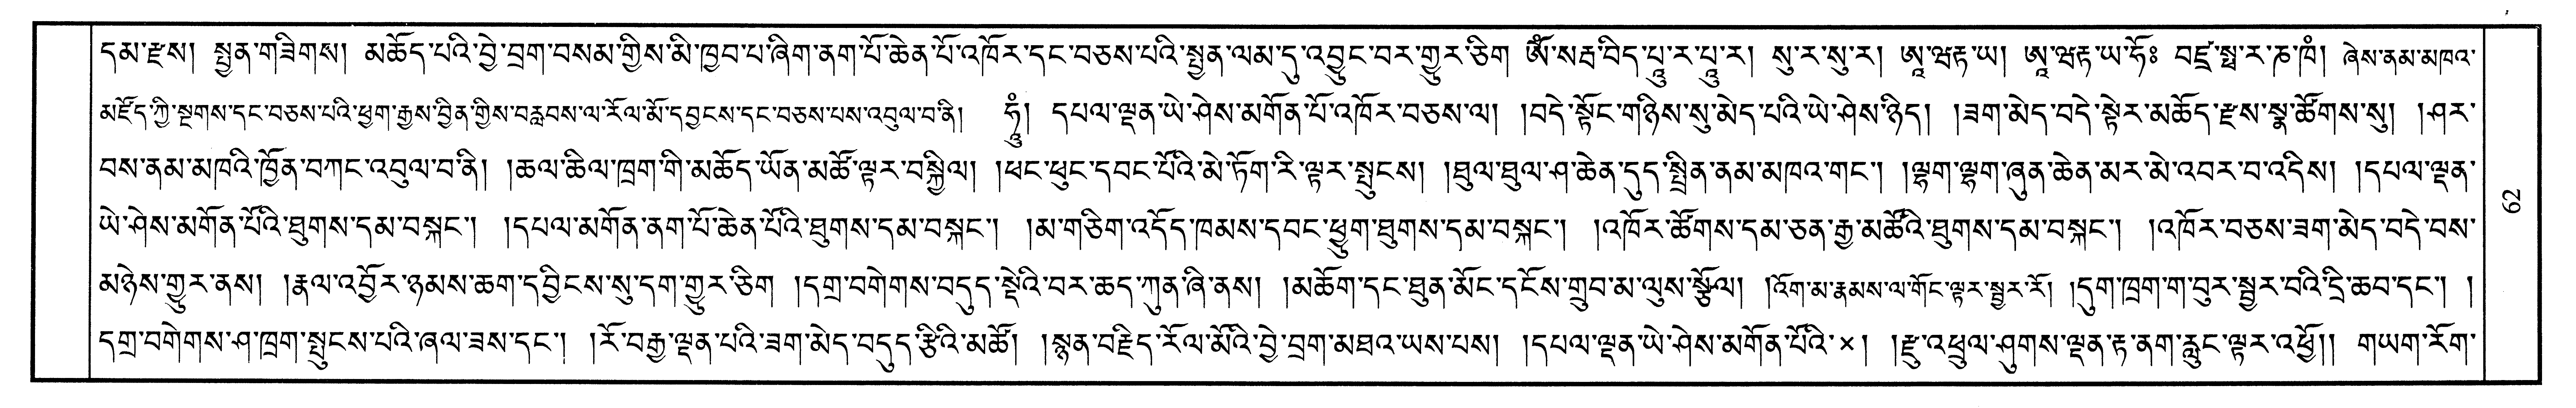དམ་རྫས། སྤྱན་གཟིགས། མཆོད་པའི་བྱེ་བྲག་བསམ་གྱིས་མི་ཁྱབ་པ་ཞིག་ནག་པོ་ཆེན་པོ་འཁོར་དང་བཅས་པའི་སྤྱན་ལམ་དུ་འབྱུང་བར་གྱུར་ཅིག་ཨོཾ་སརྦ་བིད་པཱུ་ར་པཱུ་ར། སུ་ར་སུ་ར། ཨཱ་ཝརྟ་ཡ། ཨཱ་ཝརྟ་ཡ་ཧོཿ བཛྲ་སྥ་ར་ཎ་ཁཾ། ཞེས་ནམ་མཁའ་
མཛོད་ཀྱི་སྔགས་དང་བཅས་པའི་ཕྱག་རྒྱས་བྱིན་གྱིས་བརླབས་ལ་རོལ་མོ་དབྱངས་དང་བཅས་པས་འབུལ་བ་ནི། ཧཱུཾ། དཔལ་ལྡན་ཡེ་ཤེས་མགོན་པོ་འཁོར་བཅས་ལ། །བདེ་སྟོང་གཉིས་སུ་མེད་པའི་ཡེ་ཤེས་ཉིད། །ཟག་མེད་བདེ་སྟེར་མཆོད་རྫས་སྣ་ཚོགས་སུ། །ཤར་
བས་ནམ་མཁའི་ཁྱོན་བཀང་འབུལ་བ་ནི། །ཆལ་ཆིལ་ཁྲག་གི་མཆོད་ཡོན་མཚོ་ལྟར་བསྐྱིལ། །ཕང་ཕུང་དབང་པོའི་མེ་ཏོག་རི་ལྟར་སྤུངས། །ཐུལ་ཐུལ་ཤ་ཆེན་དུད་སྤྲིན་ནམ་མཁའ་གང་། །ལྷག་ལྷག་ཞུན་ཆེན་མར་མེ་འབར་བ་འདིས། །དཔལ་ལྡན་
ཡེ་ཤེས་མགོན་པོའི་ཐུགས་དམ་བསྐང་། །དཔལ་མགོན་ནག་པོ་ཆེན་པོའི་ཐུགས་དམ་བསྐང་། །མ་གཅིག་འདོད་ཁམས་དབང་ཕྱུག་ཐུགས་དམ་བསྐང་། །འཁོར་ཚོགས་དམ་ཅན་རྒྱ་མཚོའི་ཐུགས་དམ་བསྐང་། །འཁོར་བཅས་ཟག་མེད་བདེ་བས་
མཉེས་གྱུར་ནས། །རྣལ་འབྱོར་ཉམས་ཆག་དབྱིངས་སུ་དག་གྱུར་ཅིག །དགྲ་བགེགས་བདུད་སྡེའི་བར་ཆད་ཀུན་ཞི་ནས། །མཆོག་དང་ཐུན་མོང་དངོས་གྲུབ་མ་ལུས་སྩོལ། །འོག་མ་རྣམས་ལ་གོང་ལྟར་སྦྱར་རོ། །དུག་ཁྲག་ག་བུར་སྦྱར་བའི་དྲི་ཆབ་དང་།
དགྲ་བགེགས་ཤ་ཁྲག་སྤུངས་པའི་ཞལ་ཟས་དང་། །རོ་བརྒྱ་ལྡན་པའི་ཟག་མེད་བདུད་རྩིའི་མཚོ། །སྙན་བརྗིད་རོལ་མོའི་བྱེ་བྲག་མཐའ་ཡས་པས། །དཔལ་ལྡན་ཡེ་ཤེས་མགོན་པོའི་྾། །རྫུ་འཕྲུལ་ཤུགས་ལྡན་རྟ་ནག་རླུང་ལྟར་འཕྱོ།། གཡག་རོག་